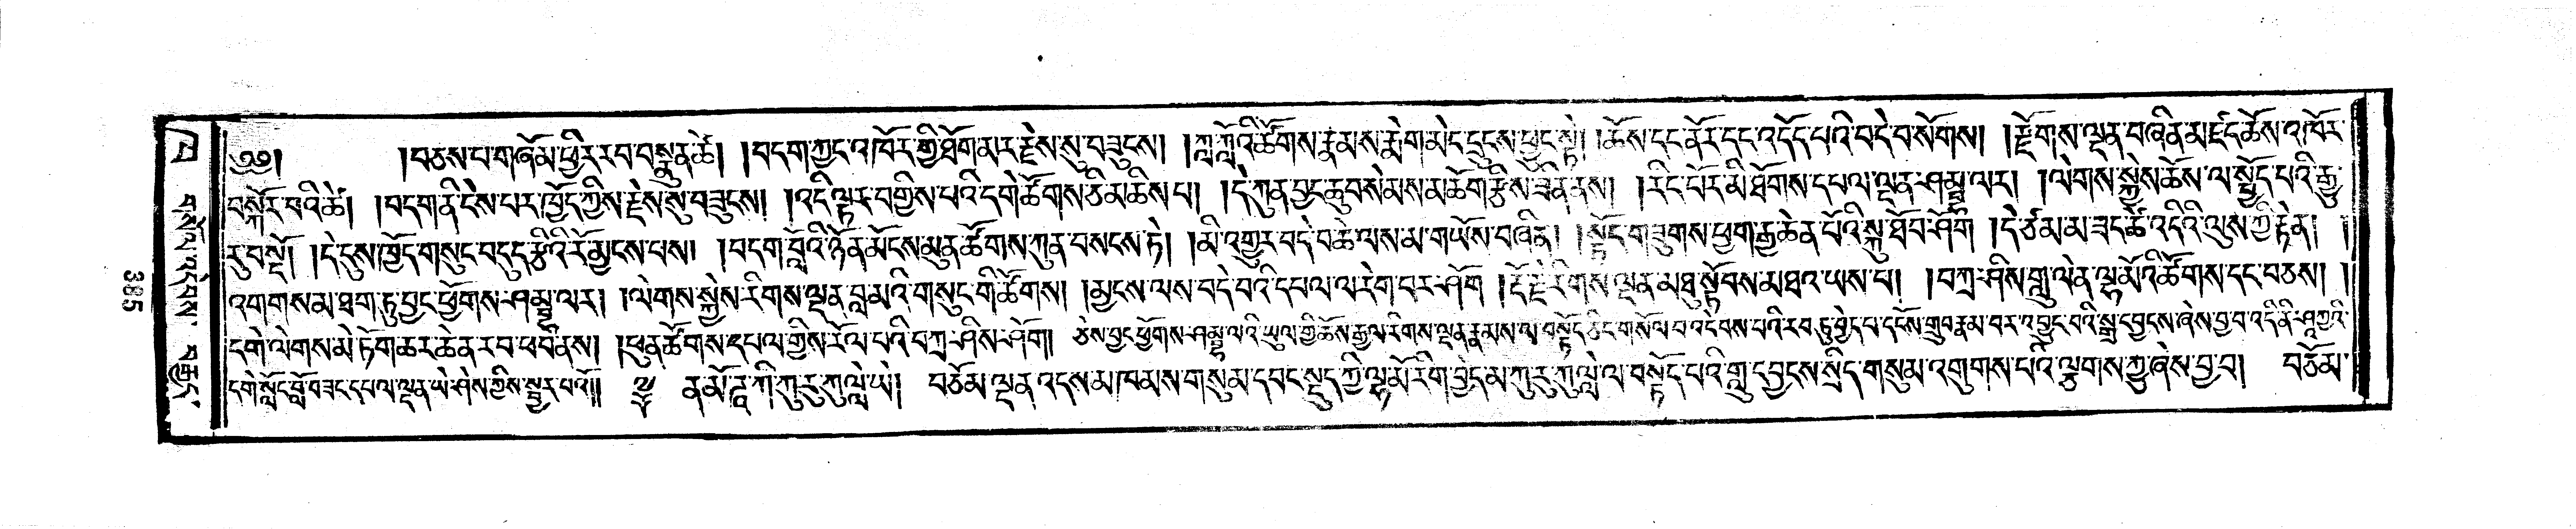༄༅། །བཅས་པ་གཞོམ་ཕྱིར་རབ་བསྣུན་ཚེ། །བདག་ཀྱང་འཁོར་གྱི་ཐོག་མར་རྗེས་སུ་བཟུངས། །ཀླ་ཀློའི་ཚོགས་རྣམས་རྨེག་མེད་དྲུངས་ཕྱུང་སྟེ། །ཆོས་དང་ནོར་དང་འདོད་པའི་བདེ་བ་སོགས། །རྫོགས་ལྡན་བཞིན་མཛད་ཆོས་འཁོར་
བསྐོར་བའི་ཚེ། །བདག་ནི་ངེས་པར་ཁྱོད་ཀྱིས་རྗེས་སུ་བཟུངས། །འདི་ལྟར་བགྱིས་པའི་དགེ་ཚོགས་ཅི་མཆིས་པ། །དེ་ཀུན་བྱང་ཆུབ་སེམས་མཆོག་རྩིས་ཟིན་ནས། །རིང་པོར་མི་ཐོགས་དཔལ་ལྡན་ཤྨྦྷ་ལར། །ལེགས་སྐྱེས་ཆོས་ལ་སྤྱོད་པའི་རྒྱུ་
རུ་བསྔོ། །དེ་དུས་ཁྱོད་གསུང་བདུད་རྩིའི་རོ་མྱངས་པས། །བདག་བློའི་ཉོན་མོངས་མུན་ཚོགས་ཀུན་བསངས་ཏེ། །མི་འགྱུར་བདེ་བ་ཆེ་ལས་མ་གཡོས་བཞིན། །སྟོང་གཟུགས་ཕྱག་རྒྱ་ཆེན་པོའི་སྐུ་ཐོབ་ཤོག །དེ་ཙམ་མ་ཟད་ཚེ་འདིའི་ལུས་ཀྱི་རྟེན། །
འགགས་མ་ཐག་ཏུ་བྱང་ཕྱོགས་ཤམྦྷ་ལར། །ལེགས་སྐྱེས་རིགས་ལྡན་བླ་མའི་གསུང་གི་ཚོགས། །མྱངས་ལས་བདེ་བའི་དཔལ་ལ་རེག་པར་ཤོག། །རྡོ་རྗེ་རིགས་ལྡན་མཐུ་སྟོབས་མཐའ་ཡས་པ། །བཀྲ་ཤིས་གླུ་ལེན་ལྷ་མོའི་ཚོགས་དང་བཅས། །
དགེ་ལེགས་མེ་ཏོག་ཆར་ཆེན་རབ་ཕབ་ནས། །ཕུན་ཚོགས་དཔལ་གྱིས་རོལ་པའི་བཀྲ་ཤིས་ཤོག། ཅེས་བྱང་ཕྱོགས་ཤམྦྷ་ལའི་ཡུལ་གྱི་ཆོས་རྒྱལ་རིགས་ལྡན་རྣམས་ལ་བསྟོད་ཅིང་གསོལ་བ་འདེབས་པའི་རབ་ཏུ་བྱེད་པ་དངོས་གྲུབ་རྣམ་བར་འབྱུང་བའི་སྒྲ་དབྱངས་ཞེས་བྱ་བ་འདི་ནི་ཤཱཀྱའི་
དགེ་སློང་བློ་བཟང་དཔལ་ལྡན་ཡེ་ཤེས་ཀྱིས་སྦྱར་བའོ།། ༈ ན་མོ་ཌཱ་ཀི་ཀུ་རུ་ཀུལླེ་ཡེ། བཅོམ་ལྡན་འདས་མ་ཁམས་གསུམ་དབང་སྡུད་ཀྱི་ལྷ་མོ་རིག་བྱེད་མ་ཀུ་རུ་ཀུལླེ་ལ་བསྟོད་པའི་གླུ་དབྱངས་སྲིད་གསུམ་འགུགས་པའི་ལྕགས་ཀྱུ་ཞེས་བྱ་བ། བཅོམ་